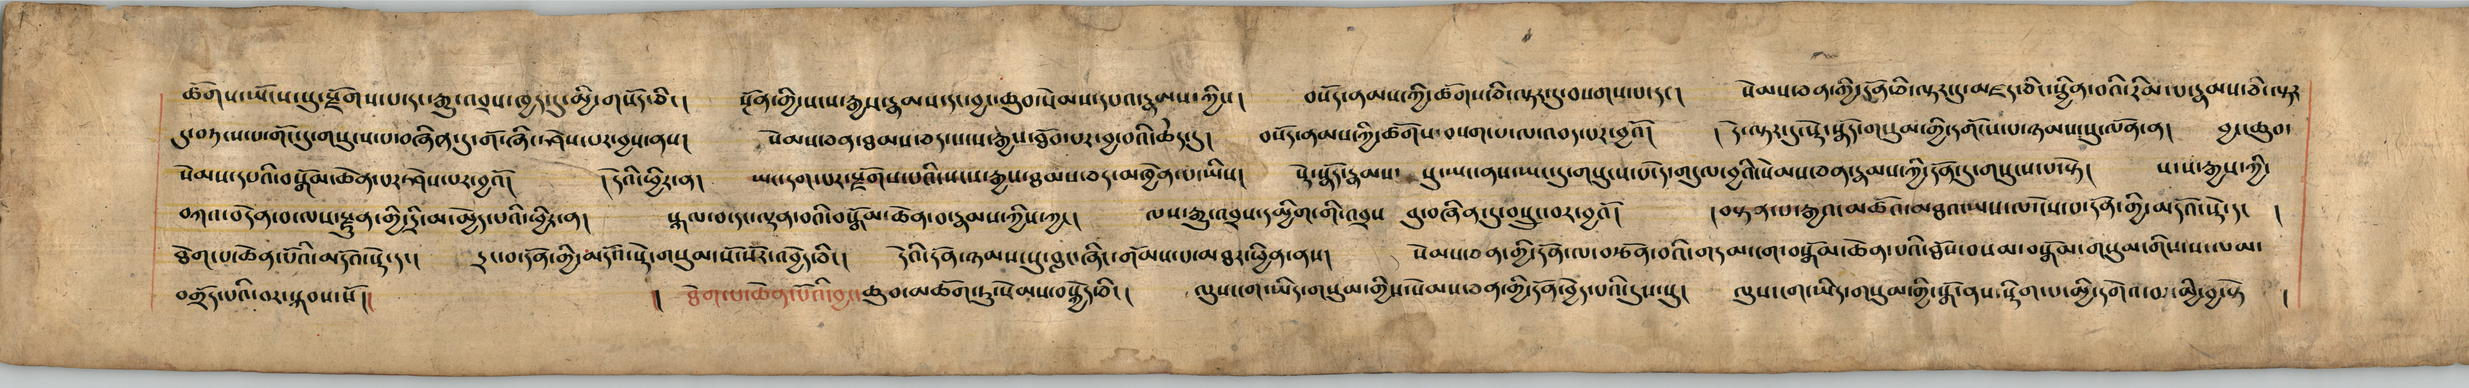ཚོགས་ཡོངས་སུ་སྫོགས་པ་དང་རྒྱུ་འབྲས་ཁྱད་དུ་མྱི་གསོད་ཅིང། སྔོན་གྱི་སངས་རྒྱས་རྣམས་དང་བྱང་ཆུབ་སེམས་དཔའ་རྣམས་ཀྱིས། བསོད་ནམས་ཀྱི་ཚོགས་ཅི་ལྟར་ད་བསགས་པ་དང། སེམས་ཅན་གྱི་དོན་ཅི་ལྟར་དུ་མཛད་ཅིང་སྦྱིན་བའི་རིམ་པ་རྣམས་ཅི་ལྟར
དུ་བཏངས་པ་གོང་དུ་གསུངས་པ་བཞིན་དུ་གོ་ཞཱིང་ཤེས་པར་བྱས་ནས། སེམས་ཅན་ཐམས་ཅད་སངས་རྒྱས་ཐོབ་པར་བྱ་བའི་ཆེད་དུ་ཚོགས་བསག་པ་ལ་འབད་པར་བྱའོ། ། དེ་ལྟར་དུ་སྡེ་སྣོད་གསུམ་གྱི་དགོངས་པ་ཉམས་སུ་ལེན་ན། བྱང་ཆུབ་
སེམས་དཔའི་བསྒོམ་ཆེན་པར་ཤེས་པར་བྱའོ། ། དེའི་ཕཨཡིར་ན། ཡང་གད་པར་སྫོགས་པའི་སངས་རྒྱས་ཐམས་ཅད་མཁྱེན་པ་ཡིས། སྡེ་སྣོད་རྣམས་ སུ་ཡང་ནས་ཡང་དུ་གསུངས་པ་དེ་གདུལ་བྱའི་སེམས་ཅན་རྣམས་ཀྱི་དོན་དུ་གསུངས་པ་སྟེ། སངས་རྒྱས་ཀྱི་
བཀའ་བདེན་བ་ལས་སྫུན་གྱི་དྲི་མ་མྱེད་པའི་ཕྱིར་ན། སྐལ་བ་དང་ལྡན་བའི་སྒོམ་ཆེན་བ་རྣམས་ཀྱིས་ཀྱང། ལས་རྒྱུ་འབྲས་དམྱིག་གི་འབྲས བུ་བཞིན་དུ་བསྲུང་བར་བྱའོ། །བསྟན་པ་རྒྱའ་མཚོའ་མཐའ་ཡས་ལ་ངེས་པ་དོན་གྱི་མདོའ་སྡེ་དང །
ཐེག་པ་ཆེན་པོའི་མདོའ་སྡེ་དང། དྲང་བ་དོན་གྱི་མདོའ་སྡེ་གསུམ་སོ་སོར་འབྱེད་ཅིང། དེའི་དོན་ཉམས་སུ་བླང་ཞིང་གོམས་པ་མཐར་ཕྱིན་ནས། སེམས་ཅན་གྱི་དོན་ལ་བརྩོན་བའི་གདམ་ངག་བསྒོམ་ཆེན་པའི་ཐོས་བསམ་བསྒོམ་གསུམ་གིས་ས་ལམ་
བགྲོད་པའི་བར་སྐབས་སོ།། །། ཐེག་པ་ཆེན་པོའི་བྱང་ཆུབ་མཆོག་ཏུ་སེམས་བསྐྱེད་ཅིང། ལུས་ངག་ཡིད་གསུམ་གྱིས་སེམས་ཅན་གྱི་དོན་བྱེད་པའི་དུས་སུ། ལུས་ངག་ཡིད་གསུམ་གྱི་སྒོ་ནས་སྡིག་པ་མྱི་དགེ་བར་མྱི་བྱ་སྟེ